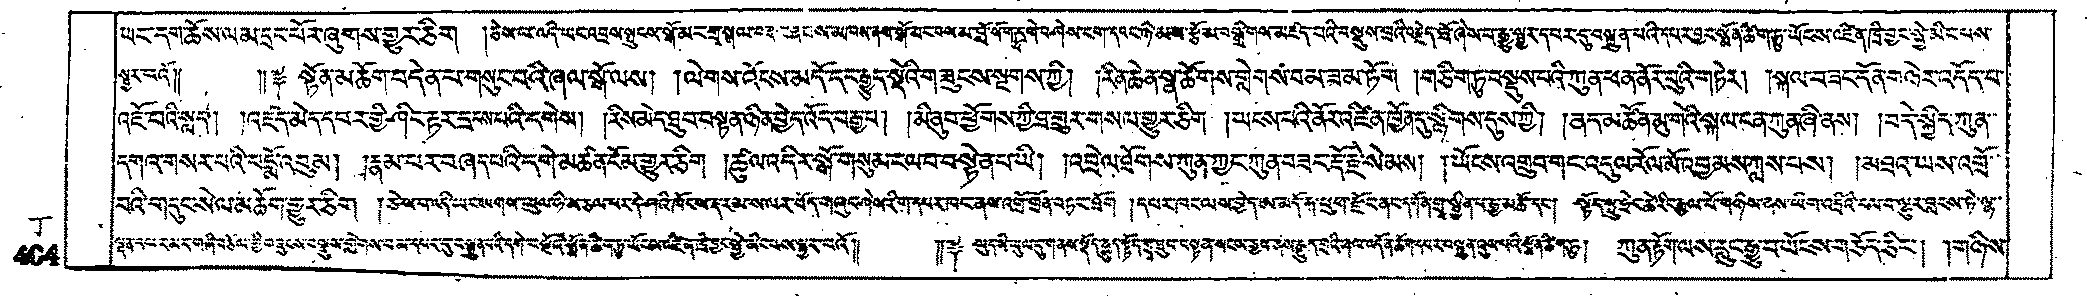ཡང་དག་ཆོས་ལམ་དྲང་པོར་ཞུགས་གྱུར་ཅིག །ཅེས་པ་འདི་ཡང་འབྲས་སྤུངས་སྒོ་མང་གྲྭ་སྐལ་བཟང་ཐབས་མཁས་ནས་སྒོ་མང་བསམ་བློ་སོགས་དགེ་བཤེས་ངག་དབང་ཉི་མས་རྩོམ་བསྒྲིགས་མཛད་པའི་བསྡུས་གྲའི་བརྗེད་ཐོ་ཞེས་པ་རྒྱུ་སྦྱར་དཔར་དུ་བསྐྲུན་པའི་དཔར་བྱང་སྨོན་ཚིག་ཏུ་ཡོངས་འཛིན་ཁྲི་བྱང་སྐྱེ་མིང་པས་
སྦྱར་བའོ།། །།འ་སྟོན་མཆོག་བདེན་པ་གསུང་བའི་ཞལ་སྒོ་ལས། །ལེགས་འོངས་མདོ་དང་རྒྱུད་སྡེའི་གཟུངས་སྔགས་ཀྱི། །རིན་ཆེན་སྣ་ཚོགས་གླེགས་བམ་ཟ་མ་ཏོག །གཅིག་ཏུ་བསྡུས་པའི་ཀུན་ཕན་ནོར་བུའི་གཏེར། །སྐལ་བཟང་དོན་གཉེར་འདོད་པ་
འཇོ་བའི་སླད། །འཛད་མེད་དཔར་གྱི་ཤིང་རྟར་དྲངས་པའི་དགེས། །རིས་མེད་ཐུབ་བསྟན་ཉིན་བྱེད་འོད་བརྒྱ་པ། །མི་ནུབ་ཕྱོགས་ཀྱི་ཐ་གྲུར་གསལ་གྱུར་ཅིག །ཡངས་པའི་ནོར་འཛིན་ཁྱོན་དུ་སྙིགས་དུས་ཀྱི། །ནད་མཚོན་མུ་གེའི་སྐལ་ངན་ཀུན་ཞི་ནས། །བདེ་སྐྱིད་ཀུན་་་
དགའ་གསར་པའི་པདམོ་འབུམ། །རྣམ་པར་བཞད་པའི་དགེ་མཚན་ངོམ་གྱུར་ཅིག །ཚུལ་འདིར་སྒོ་གསུམ་ངལ་བ་བསྟེན་པ་ཡི། །འབྲེལ་ཐོགས་ཀུན་ཀྱང་ཀུན་བཟང་རྡོ་རྗེ་སེམས། །ཡོངས་འགྲུབ་གང་འདུལ་རོལ་མོ་འབྱམས་ཀླས་པས། །མཐའ་ཡས་འགྲོ་་་
བའི་གདུང་སེལ་མཆོག་གྱུར་ཅིག །ཅེས་པ་འདི་ཡང་འཕགས་ཡུལ་ཧི་མ་ཅལ་པར་དེ་ཤའི་ཁོངས་རྡ་རམ་ས་ལར་བོད་གཞུང་ཤེས་རིག་དཔར་ཁང་ནས་འགྲོ་གྲོན་བཏང་ཐོག །དཔར་ཁང་ལས་བྱེད་ཨ་མདོ་རྐ་ཕུག་རྫོང་ནང་དགོན་གྲྭ་སྦྱིན་པ་རྒྱ་མཚོ་དང་། སྟོད་སྤུ་ཧྲེང་ཚེ་རིང་རྒྱལ་པོ་གཉིས་ནས་ཡིག་འདྲིའི་ངལ་བ་ལྷུར་བླངས་ཏེ་ལྷ་་་
ལྡན་དཔར་མར་གཞི་བཅོལ་གྱི་གཟུངས་བསྡུས་གླེགས་བམ་དཔར་དུ་བསྐྲུན་པའི་དགེ་བསྔོའི་སྨོན་ཚིག་ཏུ་ཡོངས་འཛིན་ཁྲི་བྱང་སྐྱེ་མིང་པས་སྦྱར་བའོ།། །།འ་སུད་སི་ཡུལ་དུ་གནས་སྡོད་རྒྱུད་སྟོད་གྲྭ་ཐུབ་བསྟན་སངས་རྒྱས་ནས་རྒྱུད་གྲའི་ཞལ་འདོན་ཆོ་ག་དཔར་བསྐྲུན་ཞུས་པའི་སྨོན་ཚིག་ཏུ། ཀུན་རྟོག་ལས་རླུང་རྒྱུ་བ་ཡོངས་གཅོད་ཅིང་། །གཉིས་